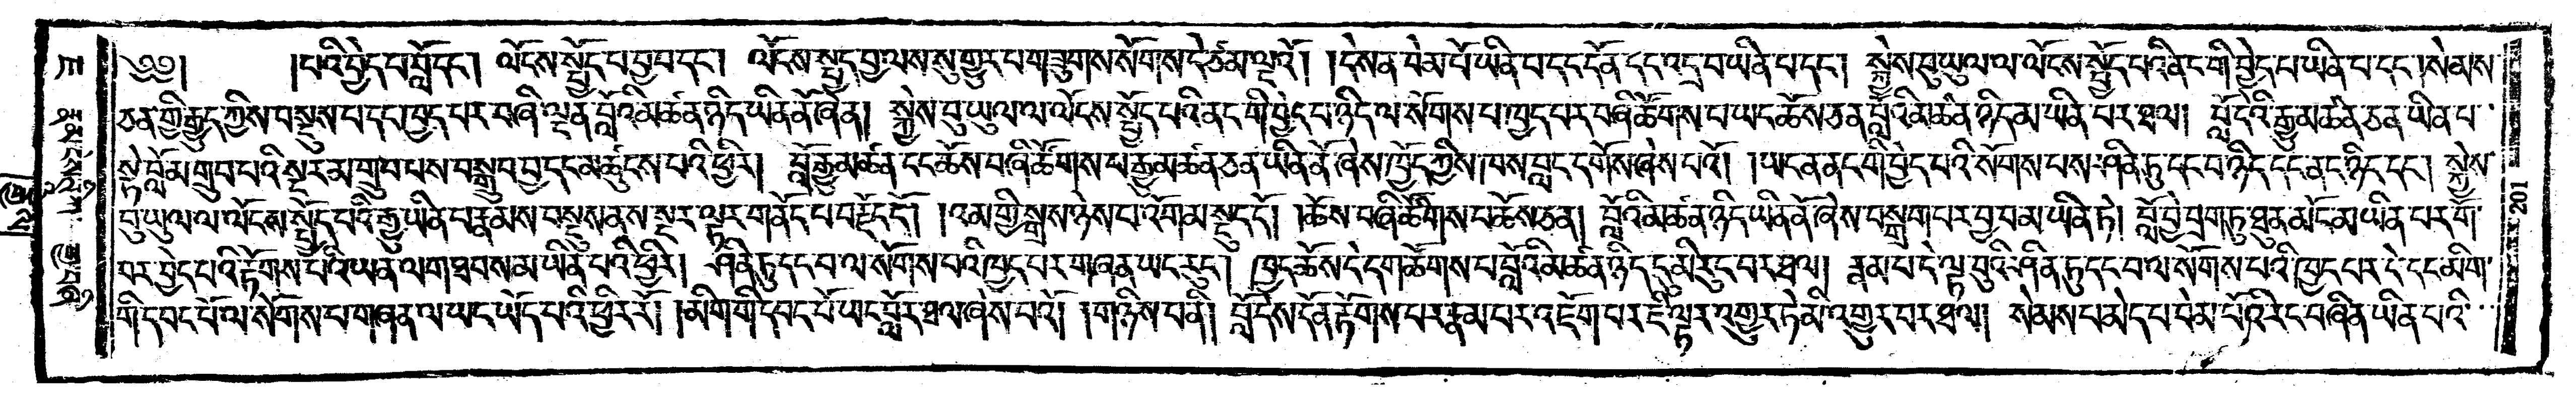༄༅། །པའི་བྱེད་པ་བློ་དང་། ལོངས་སྤྱོད་པ་བྱ་བ་དང་། ལོངས་སྤྱད་བྱ་ལས་སུ་གྱུར་པ་གཟུགས་སོགས་དེ་ཙམ་ལྔའོ། །དེས་ན་བེམ་པོ་ཡིན་པ་དང་དོན་དང་འདྲ་བ་ཡིན་པ་དང་། སྐྱེས་བུ་ཡུལ་ལ་ལོངས་སྤྱོད་པའི་ནང་གི་བྱེད་པ་ཡིན་པ་དང་། སེམས་
ཅན་གྱི་རྒྱུད་ཀྱིས་བསྡུས་པ་དང་ཁྱད་པར་བཞི་ལྡན་བློའི་མཚན་ཉིད་ཡིན་ནོ་ཞེ་ན། སྐྱེས་བུ་ཡུལ་ལ་ལོངས་སྤྱོད་པའི་ནང་གི་བྱེད་པ་ཉིད་ལ་སོགས་པ་ཁྱད་པར་བཞི་ཚོགས་པ་ཡང་ཆོས་ཅན་བློའི་མཚན་ཉིད་མ་ཡིན་པར་ཐལ། བློ་དེའི་རྒྱུ་མཚན་ཅན་ཡིན་པ་
སྟེ་བློ་མ་གྲུབ་པའི་སྔར་མ་གྲུབ་པས་བསྒྲུབ་བྱ་དང་མཚུངས་པའི་ཕྱིར། བློ་རྒྱུ་མཚན་དང་ཆོས་བཞི་ཚོགས་པ་རྒྱུ་མཚན་ཅན་ཡིན་ནོ་ཞེས་ཁྱོད་ཀྱིས་ཁས་བླང་དགོས་ཞེས་པའོ། །ཡང་ན་ནང་གི་བྱེད་པའི་སོགས་པས་ཤིན་ཏུ་དང་བ་ཉིད་དང་ནང་ཉིད་དང་། སྐྱེས་
བུ་ཡུལ་ལ་ལོངས་སྤྱོད་པའི་རྒྱུ་ཡིན་པ་རྣམས་བསྡུས་ནས་སྔར་ལྟར་གནོད་པ་བརྗོད་དོ། །འམ་གྱི་སྒྲས་ཉེས་པ་འོག་མ་སྡུད་དོ། །ཆོས་བཞི་ཚོགས་པ་ཆོས་ཅན། བློའི་མཚན་ཉིད་ཡིན་ནོ་ཞེས་བསྒྲག་པར་བྱ་བ་མ་ཡིན་ཏེ། བློ་བྱེ་བྲག་ཏུ་ཐུན་མོང་མ་ཡིན་པར་གོ་
བར་བྱེད་པའི་རྟོགས་པའི་ཡན་ལག་ཐབས་མ་ཡིན་པའི་ཕྱིར། ཤིན་ཏུ་དད་པ་ལ་སོགས་པའི་ཁྱད་པར་གཞན་ཡང་རུང་། ཁྱད་ཆོས་དེ་དག་ཚོགས་པ་བློའི་མཚན་ཉིད་དུ་མི་རུང་བར་ཐལ། རྣམ་པ་དེ་ལྟ་བུའི་ཤིན་ཏུ་དང་བ་ལ་སོགས་པའི་ཁྱད་པར་དེ་དང་མིག་
གི་དབང་པོ་ལ་སོགས་པ་གཞན་ལ་ཡང་ཡོད་པའི་ཕྱིར་རོ། །མིག་གི་དབང་པོ་ཡང་བློར་ཐལ་ཞེས་པའོ། །གཉིས་པ་ནི། བློ་དེས་དོན་རྟོགས་པར་རྣམ་པར་འཇོག་པར་ཇི་ལྟར་འགྱུར་ཏེ་མི་འགྱུར་བར་ཐལ། སེམས་པ་མེད་པ་བེམ་པོའི་རང་བཞིན་ཡིན་པའི་